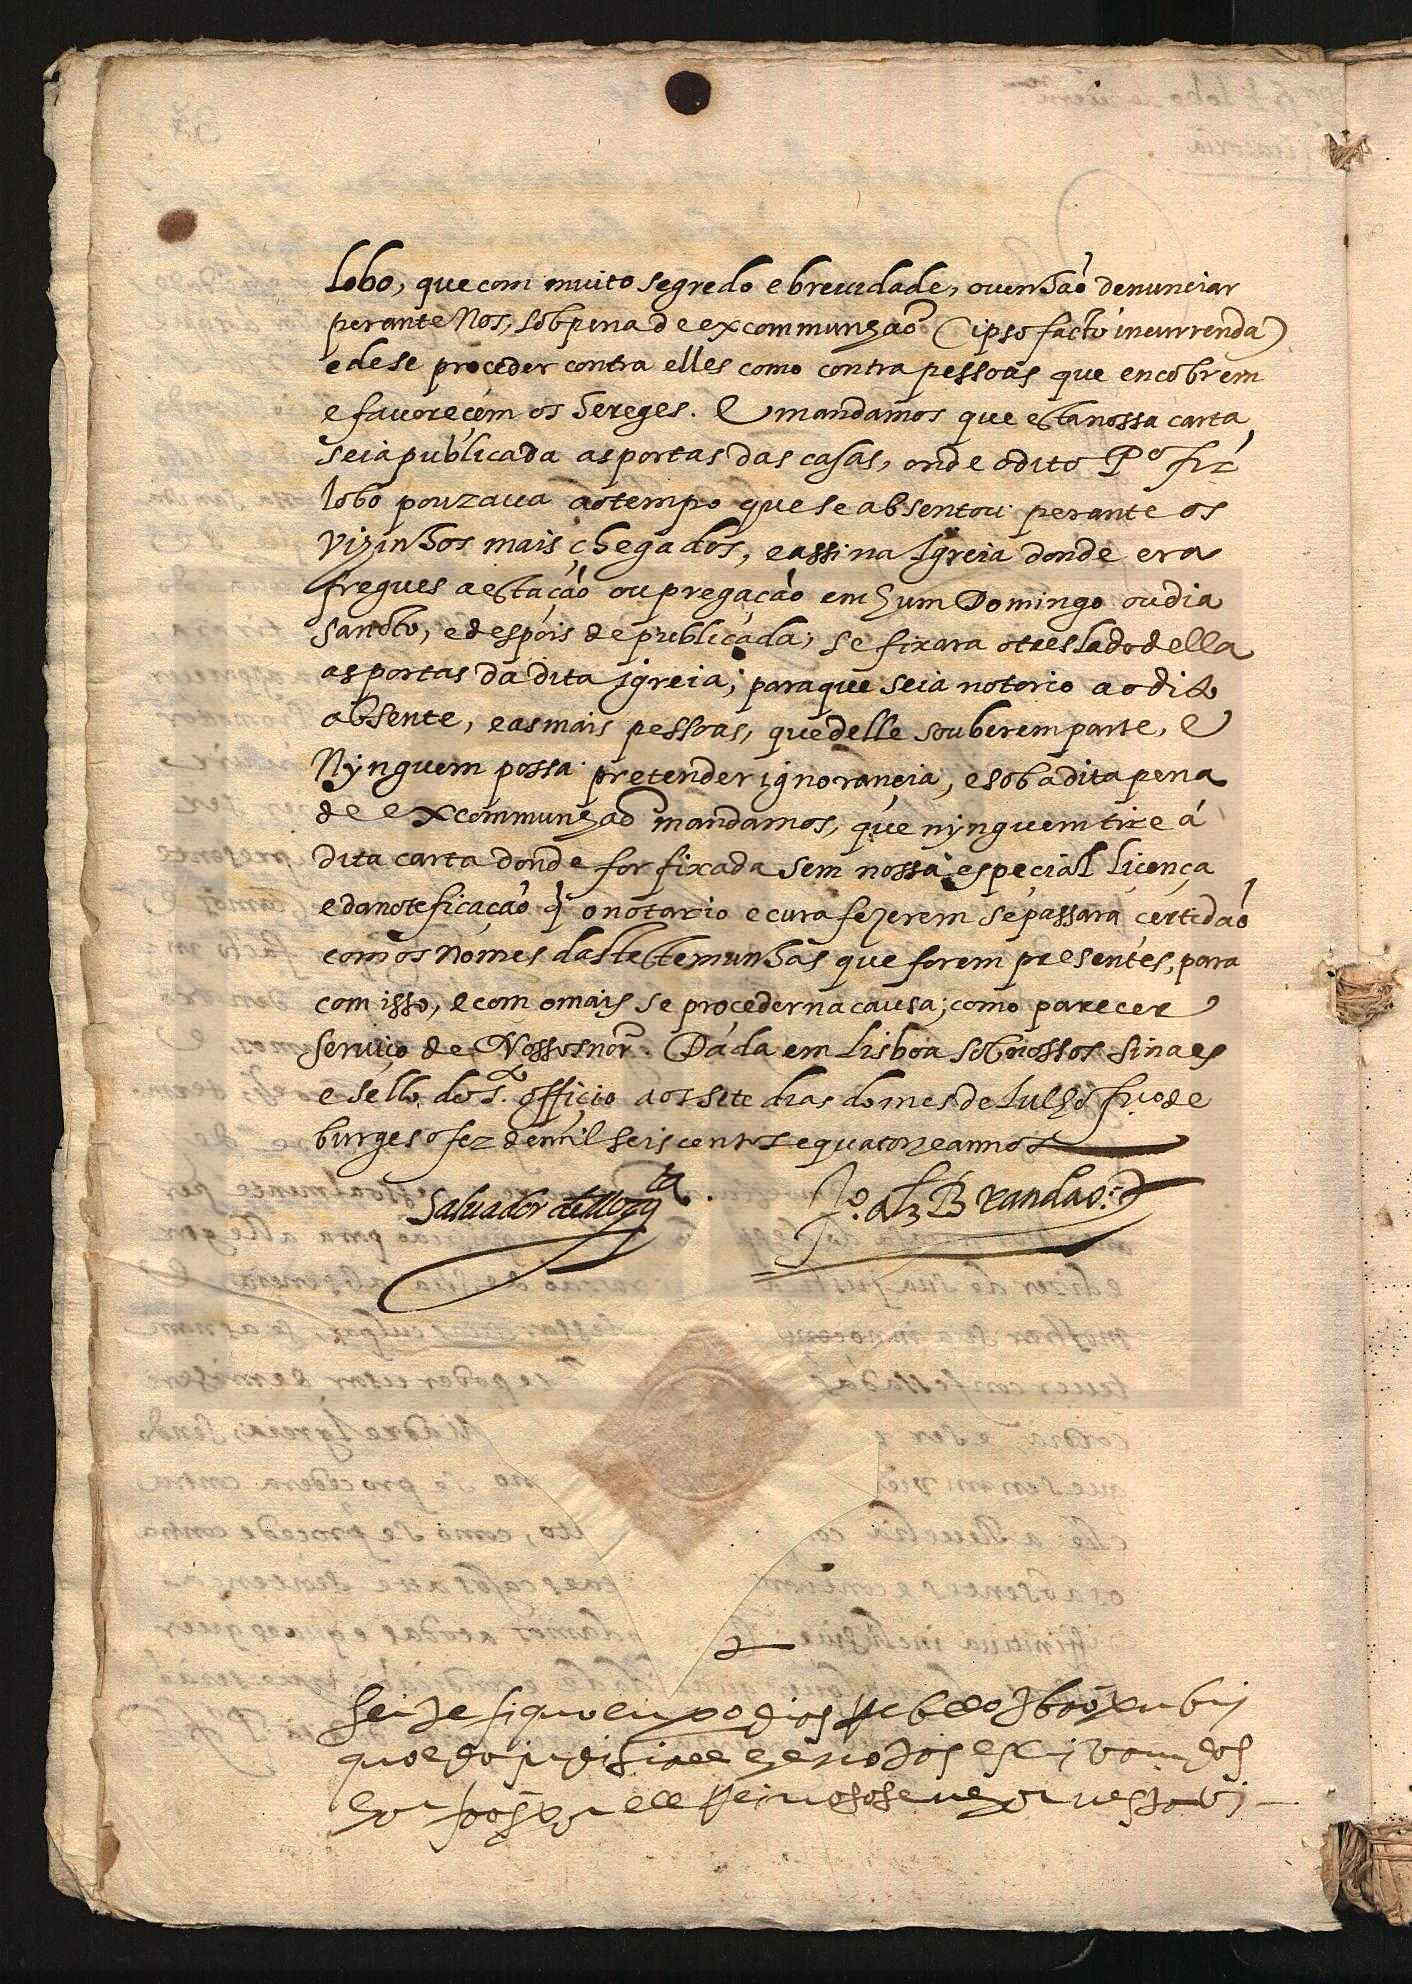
lobo, que com muito segredo e breuidade, o uinhaõ denunciar
perante nos, sob pena de excommunhaõ (ipso facto incurrenda)
e de se proceder contra elles como contra pessoas que encobrem
e fauorecem os hereges e mandamos que esta nossa carta
seia publicada as portas das casas, onde o dito Po frz̄
lobo pouzaua ao tempo que se absentou perante os
vizinhos mais chegados, e assi na Igreia donde era
fregues a estaçaõ ou pregação em hum Domingo ou dia
Sancto, e despois de publicada; se fixara o treslado della
as portas da dita igreia; para que seia notorio ao dicto
absente, e as mais pessoas, que delle souberem parte, e
Nynguem possa pretender ignorancia, e sob a dita pena
de excommunhaõ mandamos, que nynguem tire á
dita carta donde for fixada sem nossa especial licença
e da noteficaçaõ q̄ o notario e cura fezerem se passara certidaõ
com os nomes das testemunhas que forem presentes, para
com isso, e com o mais se proceder na causa; como parecer
seruiço de Nosso snōr. Dada em Lisboa sob nossos sinaes
e sello do s.to officio aos sete dias do mes de Iulho frco de
burges o fez de mil seiscentos e quatorze annos
sertefiquo eu po dias Rebelo tbaõ pubrj
quo do judisiall he notas escrjuam dos
horfaõs por ell Rei noso senhor nesta vi
